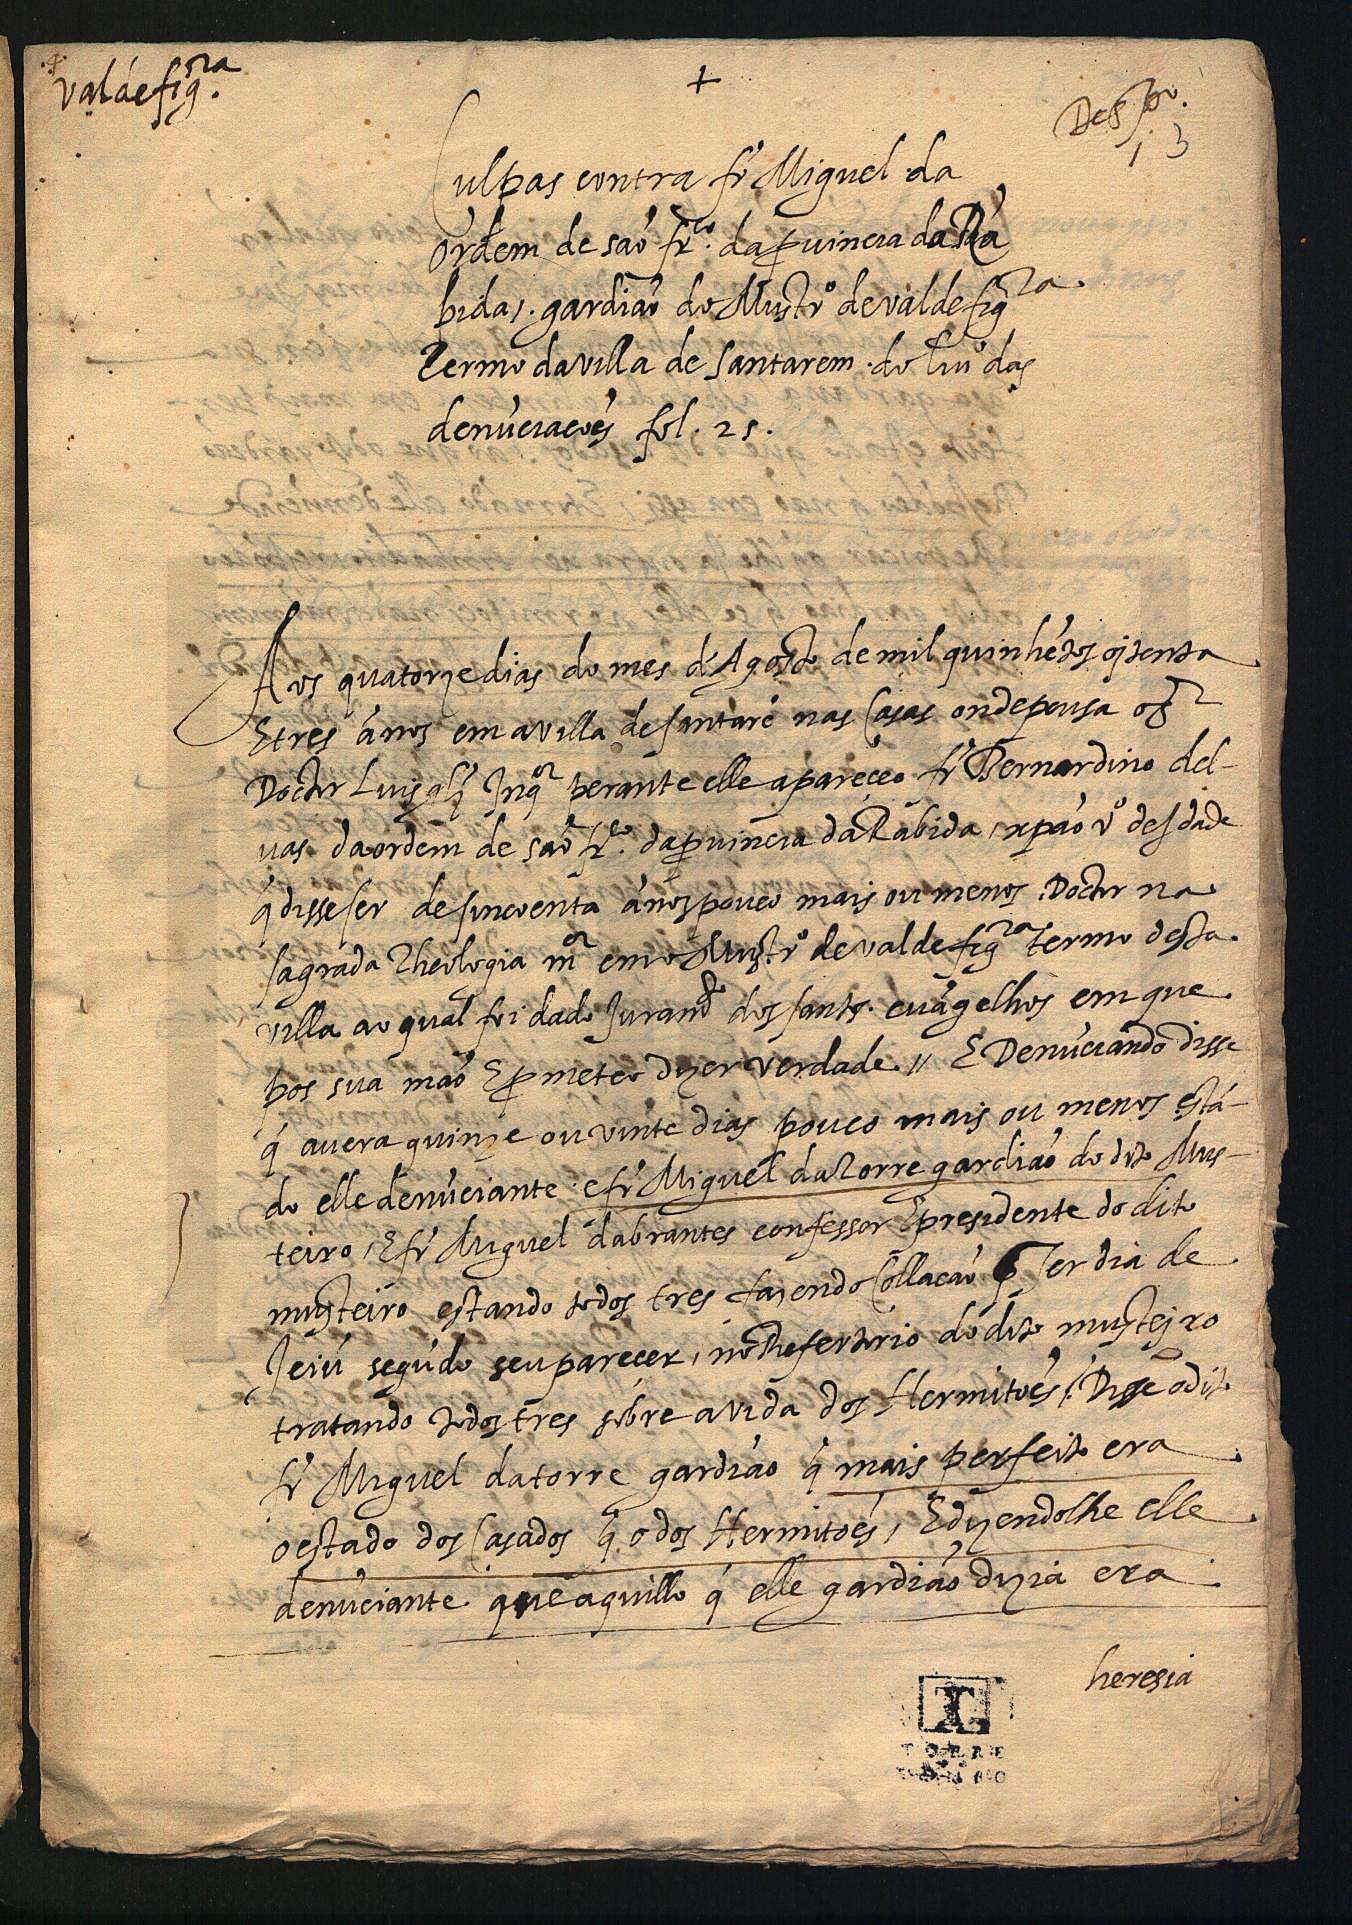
Culpas contra fr̅ Miguel da
ordem de são frco. da ꝓuincia daRá
bida/. gardião do Mustro de val de figra
termo da villa de Santarem. do liuo das
denu̅ciacoēs fol.25.
Aos quatorze dias do mes d´Agosto de mil quinhe̅tos ojtenta
E tres a̅nos em a villa de santare̅ nas Casas onde pousa o sr
Doctor Luis glz̅ Jnqor perante elle apareçeo fr̅ Bernardino del
uas da ordem de são frco. da ꝓuincia daRabida, xpão vo de jdade
q̅ disse ser de sincoenta a̅nos pouco mais ou menos. Doctor na
sagrada Theologia mor em o Mustro de val de figra termo desta
villa ao qual foi dado Juramto dos santos eua̅gelhos em que
pos sua mão E p̅ometeo dizer verdade // E Denu̅ciando disse
q̅ auera quinze ou vinte dias pouco mais ou menos esta̅
do elle denu̅ciante e fr̅ Miguel da torre gardião do dito Mus
teiro, E fr̅ Miguel dabrantes confessor E presidente do dito
musteiro estando todos tres fazendo Collação p̅o ser dia de
Jeiu̅ segu̅do seu pareçer, no Refertorio do dito mustejro
tratando todos tres sobre a vida dos Hermitões /. Disse o dito
fr̅ Miguel da torre gardião q̅ mais perfeito era
o estado dos Casados q̅ o dos Hermitões, E dizendolhe elle
denunciante que aquillo q̅ elle gardião dizia era
